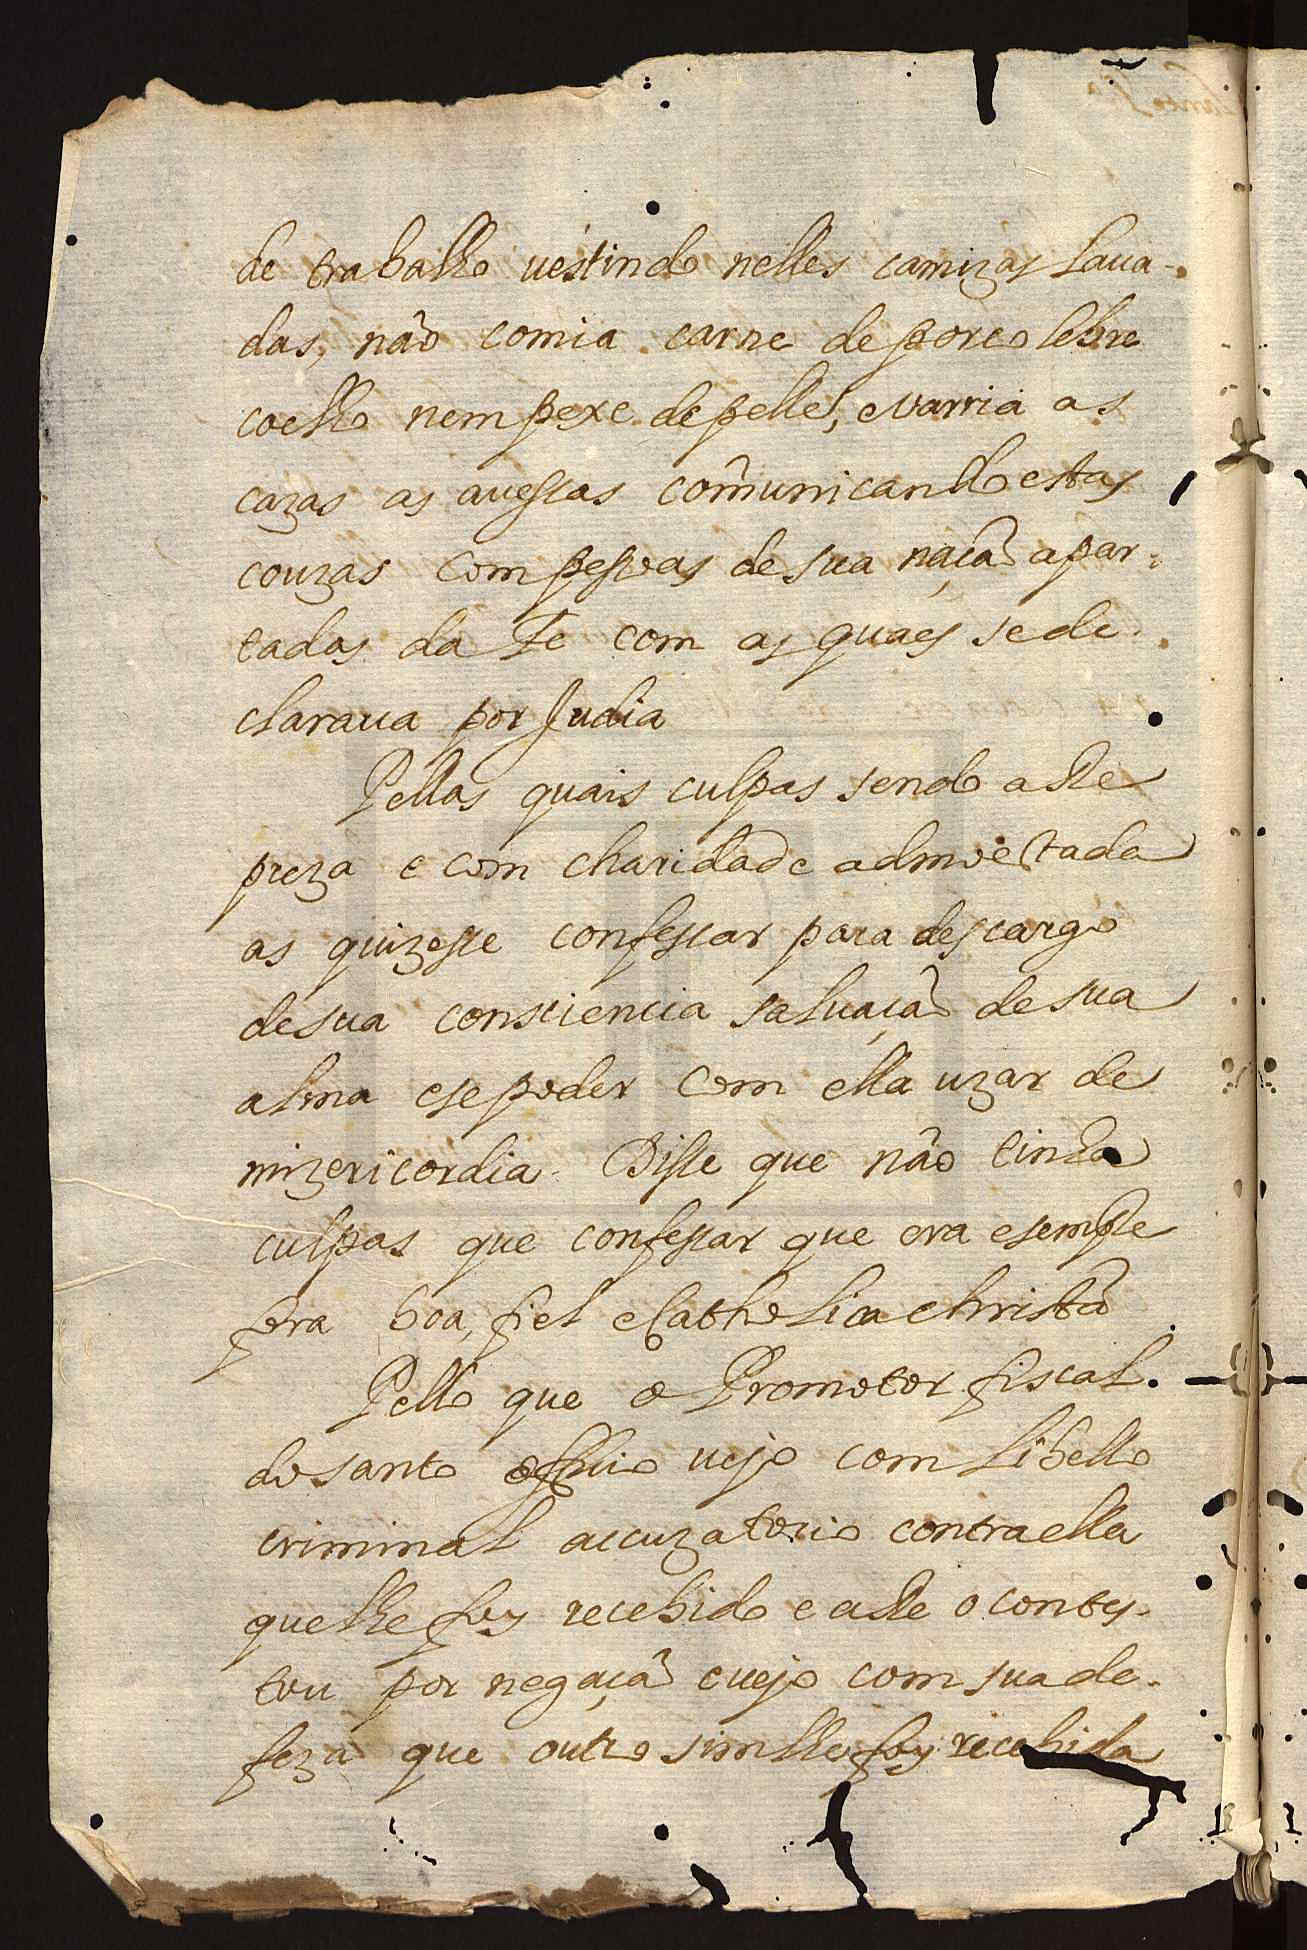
de trabalho uestindo nelles camizas laua
das, não comia carne de porco lebre
coelho nem pexe de pelle, e varria as
cazas as auessas com̄unicando estas
couzas com pessoas de sua nação apar
tadas da Fe com as quaes se de
claraua por Judia
Pellas quais culpas sendo a Re
preza e com charidade admoestada
as quizesse confessar para descargo
de sua consciencia saluação de sua
alma e se poder com ella uzar de
mizericordia Disse que não tinha
culpas que confessar que era e sempre
fora boa, fiel e Catholica christã
Pello que o Promotor fiscal
do santo officio uejo com Libello
criminal accuzatorio contra ella
que lhe foy recebido e a Re o contes
tou por negação e uejo com sua de
feza que outrosim lhe foy recebida
